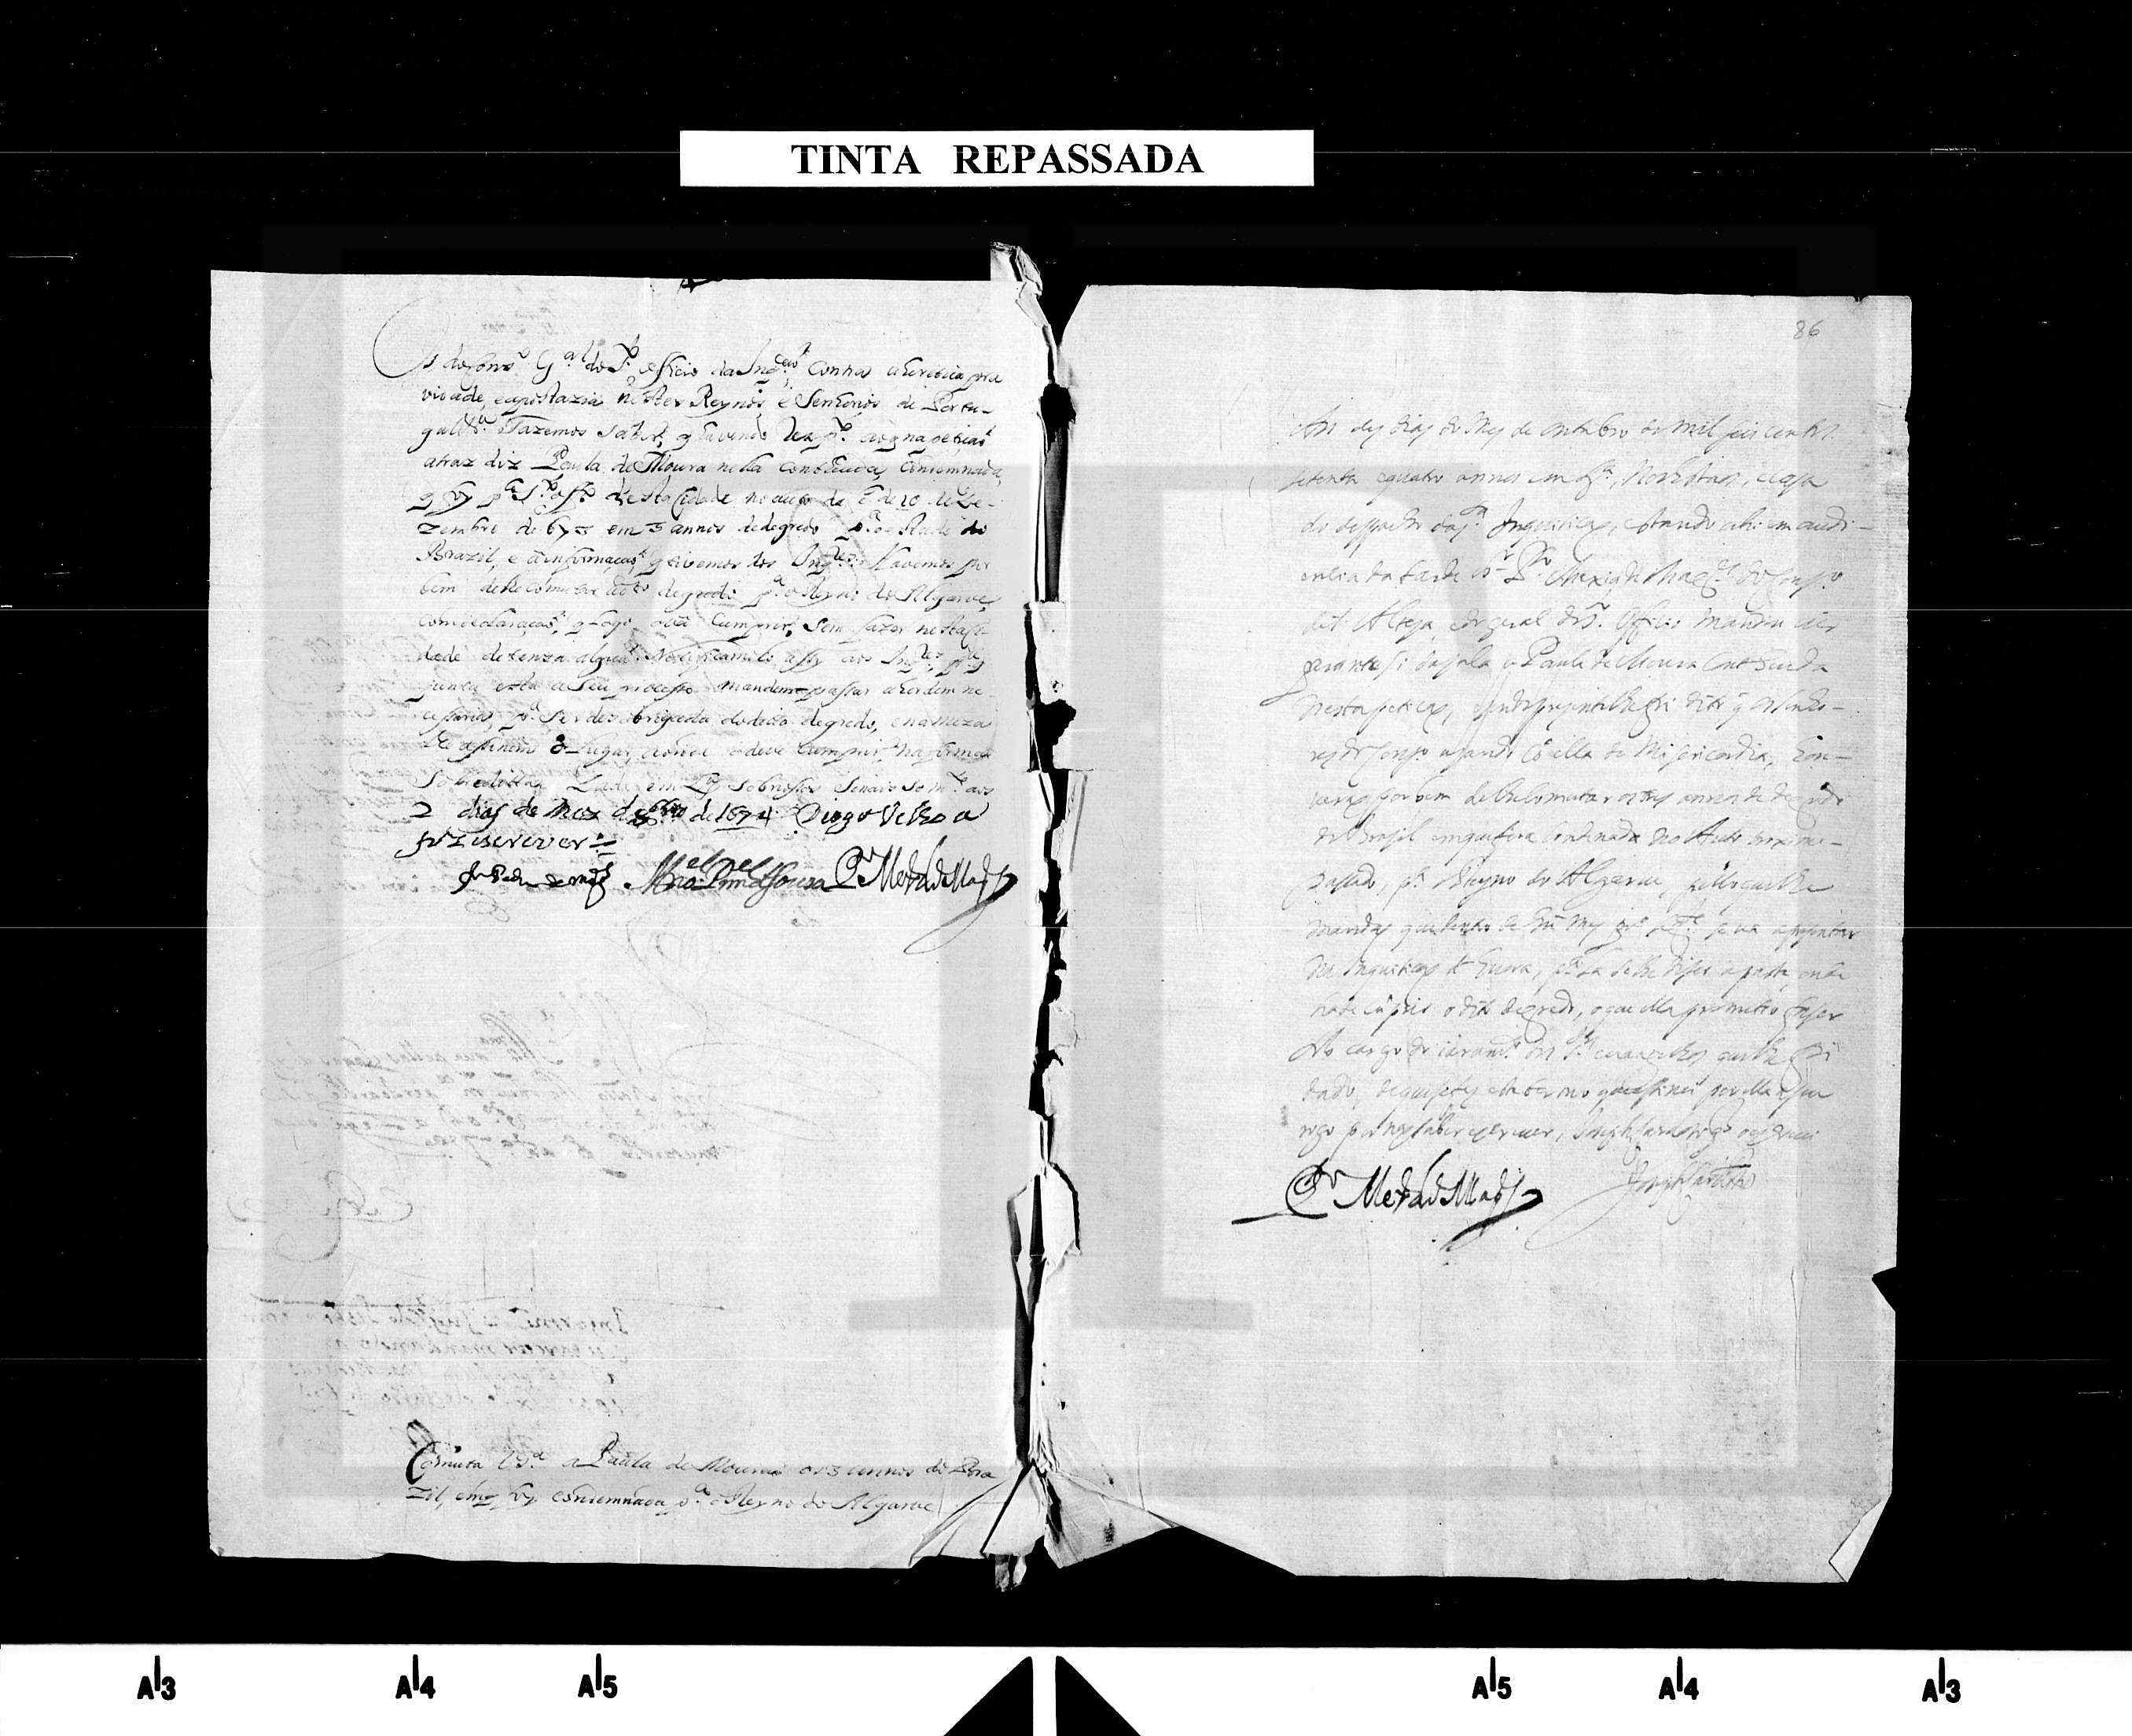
Os do Conso G.al do S.to officio da Inq.çaõ contra a heretica pra
vidade, e apostazia nestes Reynos e Senhorios de Portu
gal &a. Fazemos saber, q̄ hauendo Resp.o em q na petiçaõ
atraz diz Paula de Moura nella contheuda, condemnada
foy plo S.to off.o desta Cidde no auto da Fé de 10 de De
zembro de 670 em 3 annos de degredo p.a o Reino do
Brazil, e a informaçaõ q tivemos dos Inq.res Hauemos por
bem de lhe comutar heste degredo p.a o Reyno do Algarue
com declaraçaõ, q logo auer cumprir, sem fazer nesta Ci
dade detensa alguā. Notificamdo assy nos Inqres p.a q
junta esta a seu processo mandamos passar a hordem ne
cessaria pa ser desobrigada do ditto degredo, e na meza
lhe assinem o Lugar aonde deue Cumprir na forma
sobreditta Dada em Lxa sob nossos sinais som.te aos
2 dias de mez de 8.bro de 1674. Diogo Velho a
fiz escrever
fr Pedro de mages. Mnoel Pim.el d Sousa Po Mexa de Mages
Comuta v s.a a Paula de Moura a 3 annos do Bra
zil, em q foy condemnada p.a o Reyno do Algarue
Aos des dias do Mes de Outubro de mil seiscentos
setenta e quatro annos em Lx.a, nos Estaos, e casa
do despacho da s.ta Inquisiçaõ, estando ahi em audi
encia da tarde o sr. P.o Mexia de Mag.es do Cons.o
de S. Alteza, e do geral do s.to Officio mandou uir
perante si da sala a Paula de Moura contheuda
nesta petiçaꝭ, e sendo presente lhe foi dito q̄ os senho
res do Conso usando cō ella de Misericordia, hou
ueraꝭ por bem de lhe comutar os tres annos de degredo
de Brazil em que fora condenada no Auto proximo
passado, p.a o Reyno do Algarue, pello que lhe
mandaꝭ que dentro de hū mes pxo segte se ua apresentar
na Inquisiçaꝭ de Euora, pa la se lhe diser a parte, onde
ha de cūprir o dito degredo, o que ella prometeo faser
sob cargo do iuram.to dos s.tos euagelhos que lhe foi
dado de que fis este termo que assinei por ella a seu
rogo por naꝭ saber escreuer, Ioseph Cardoso o escreui
Po Mexa de Mages Joseph Cardozo
